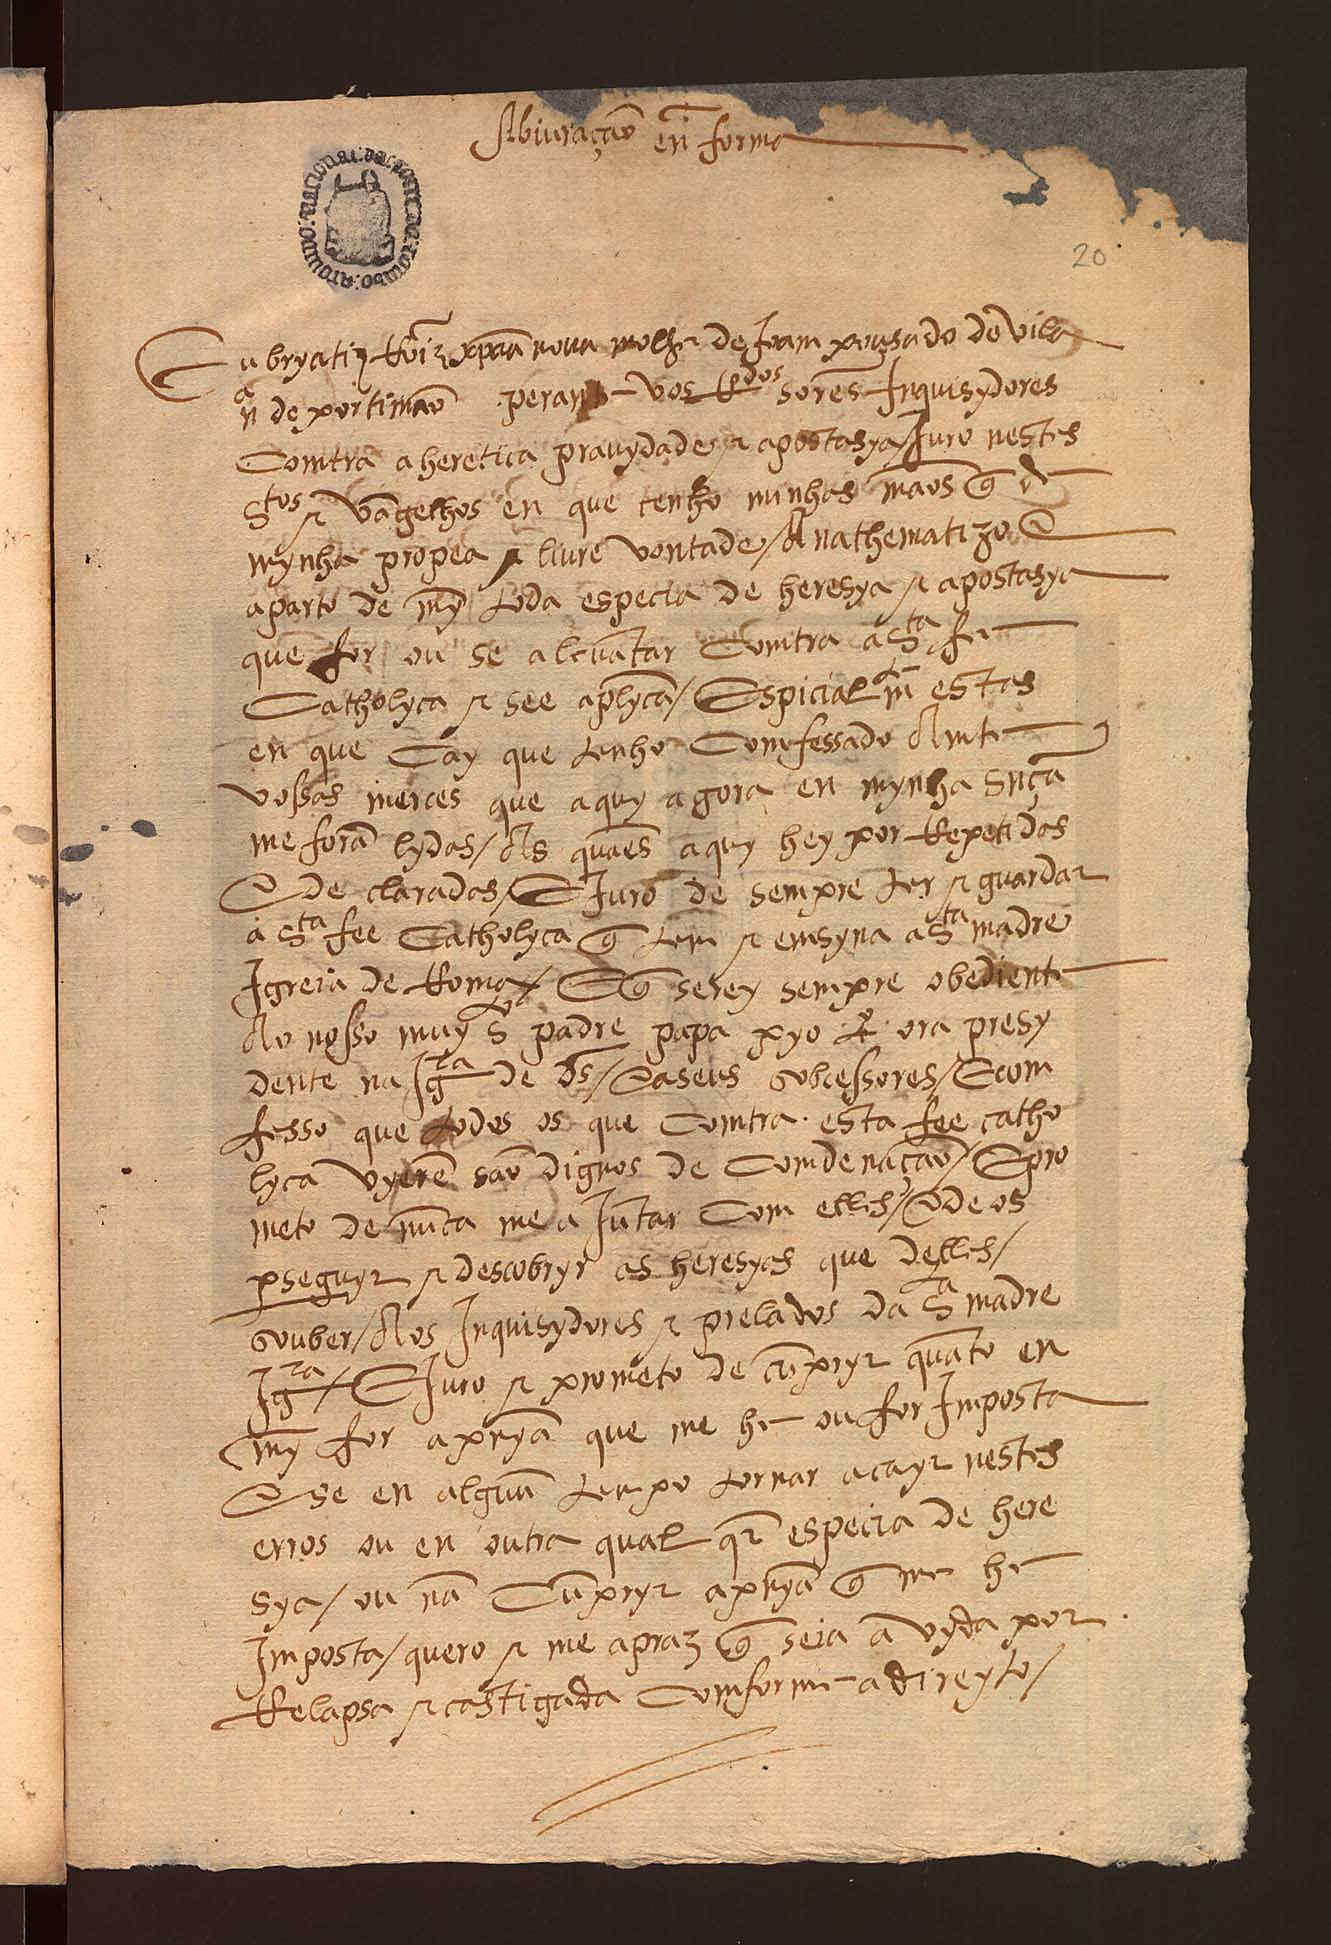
Abiuração en̄ forma
Eu bryatiz Roīz xpāa noua molher de Joam pousado de Vila
na de portimão .perante vos Rdos sor̄es Jnquisydores
Comtra a heretica prauydade e apostasya / Juro nestes
Stos evāgelhos en que tenho minhas mãos q̄ de
mynha propea e liure vontade / Anathematizo e
aparto de m̄y toda especia de heresya e apostasya
que for ou se aleuātar Comtra a Sta fee
Catholyca e see ap̄lyca / Espicialmte estas
en que Cay que tenho Comfessado Amte
vossas merces que aquy agora en mynha Snç̄a
me for̄a lydas / As quāes aquy hey por Repetidas
e declaradas / E Juro de sempre ter e guardar
a Sta fee Catholyca q̄ tem e emsyna a Sta madre
Jgreia de Roma / E q̄ serey sempre obediente
Ao nosso muy sto padre papa pyo 4o ora presy
dente na Jgra de ds̄ / e a seus sobcessores / E com
fesso que todos os que Comtra esta fee catho
lyca vyerē são dignos de Comdenação / E pro
meto de nūca me aJūtar Com elles / e de os
ꝑseguyr e descobryr as heresyas que delles /
souber / Aos Jnquisydores e prelados da Sta madre
Jgra / E Juro e prometo de c̄upryr q̄uato en
m̄y for a pn̄ya que me he ou for Jmposta
e se en alguū tempo tornar a cayr nestes
erros ou en outra quaLq̄r especia de here
sya / ou n̄a Cūpryr a pn̄ya q̄ me he
Jmposta / quero e me apraz q̄ seia avyda por
Relapsa e castigada Comforme a direyto /
